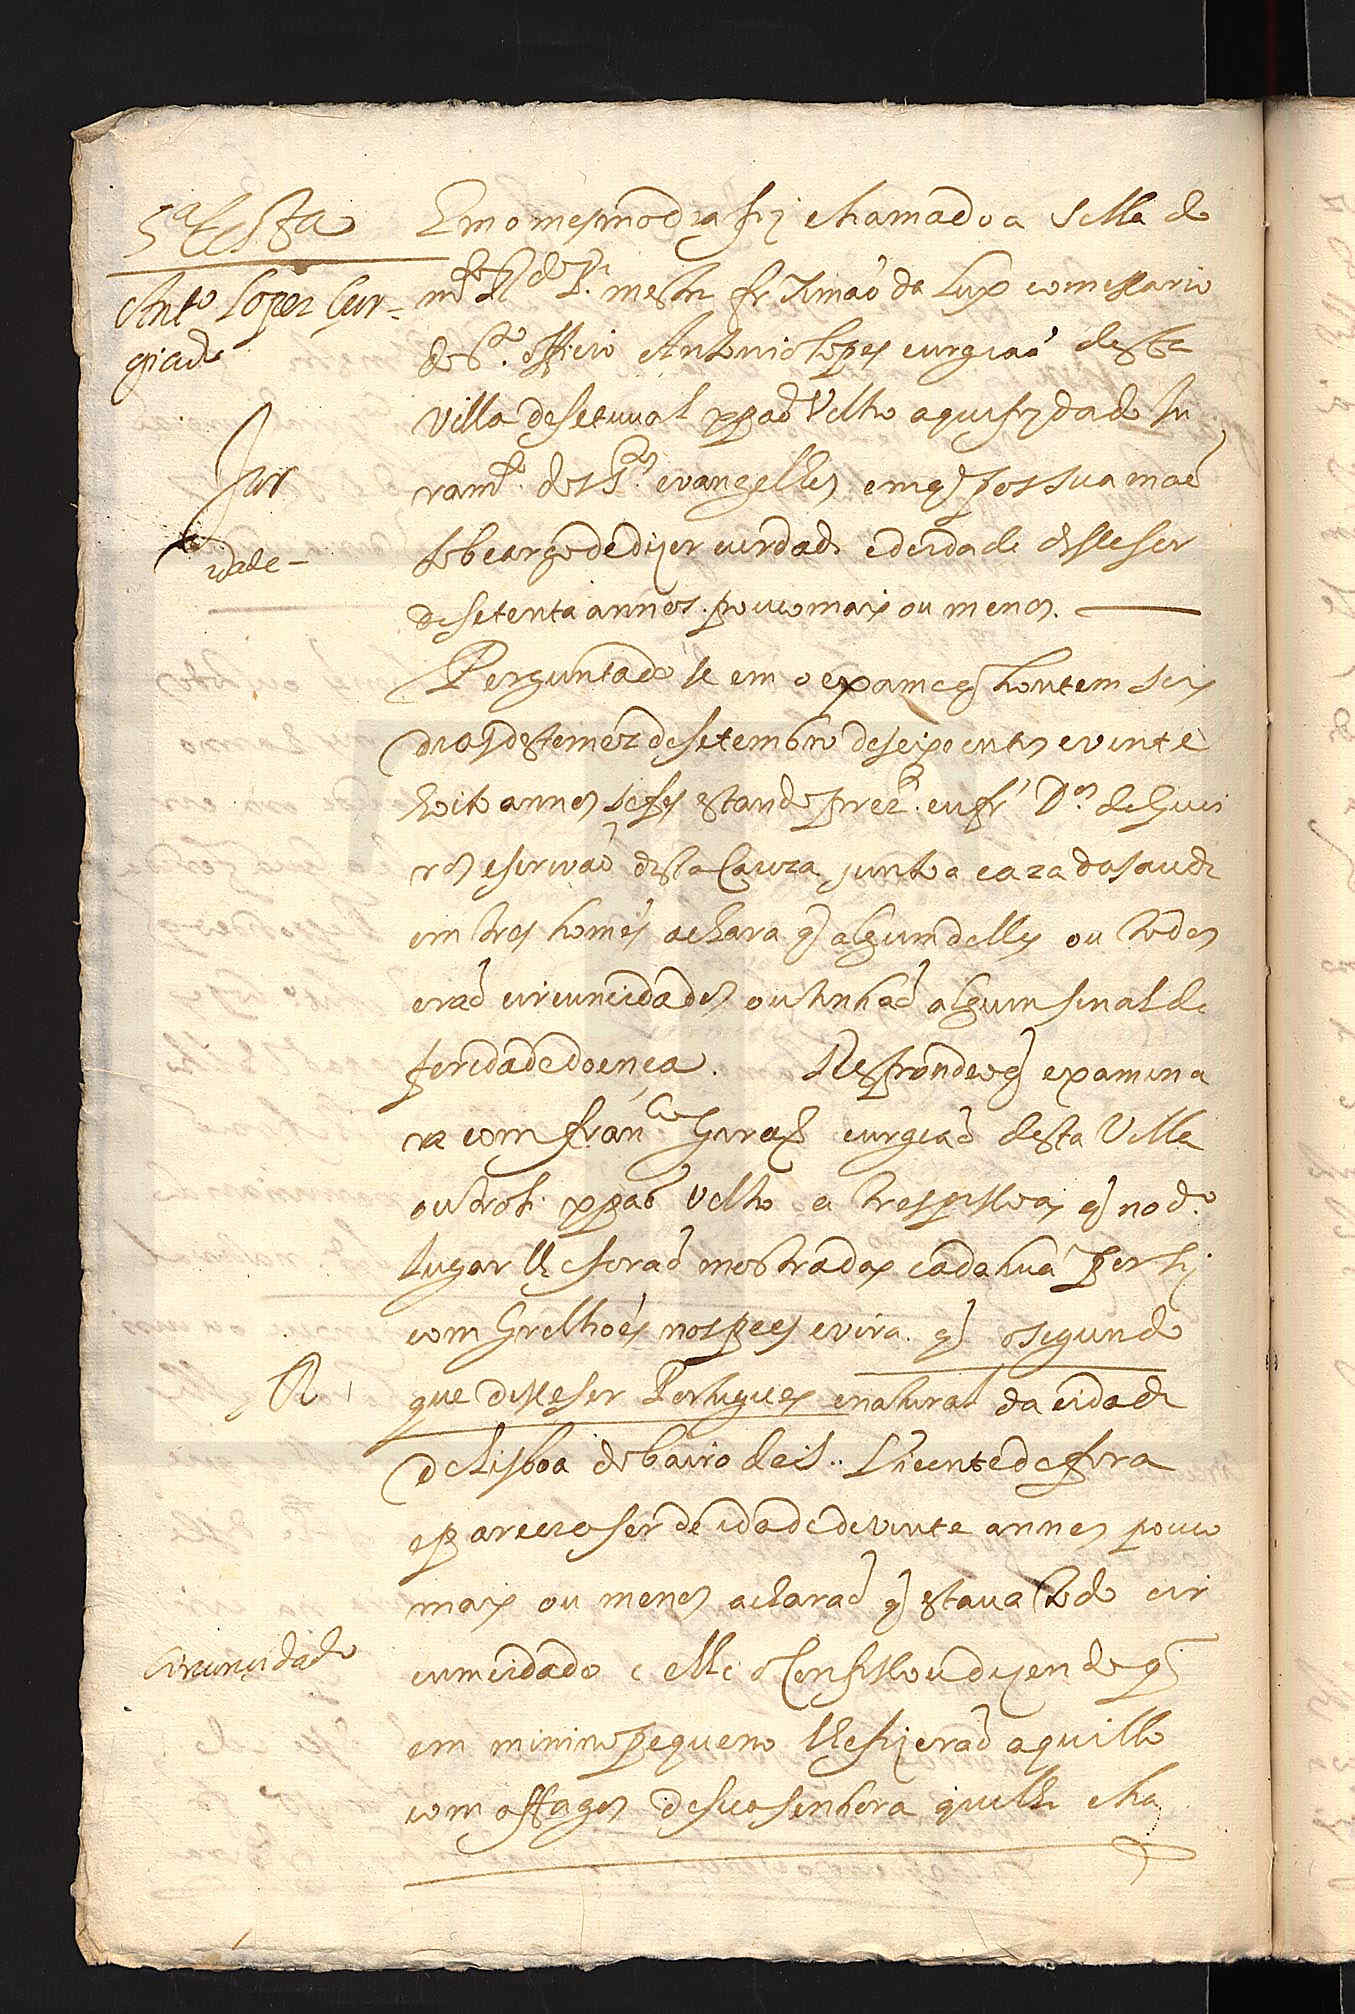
Em o mesmo dia fiz chamado a sella do
5a testa
mto Rdo P.e mestre fr simaõ da Lux comissario
Anto Lopez Cur
giaõ
do s.to officio Antonio Lopes curgiaõ desta
villa de Setuual xpaõ Velho a que foj dado Iu
ramto. dos s.tos evangelhos em q̄ pos sua maõ
Jur
sob cargo de dizer uerdade e de idade disse ser
idade -
de setenta annos pouco mais ou menos.
Perguntado se em o exame q̄ hontem seis
dias deste mez de Setembro de seiscentos e vinte
E oito annos se fes estando prez.te eu fr̄ D.os de Quei
ros escrivaõ desta Cauza junto a caza das audi
em tres homēs achara q̄ algum delles ou todos
eraõ circuncidados ou tinhaõ algum sinal de
ferida de doença. Respondeo q̄ examina
ra com fran.co Giraõ curgiaõ desta Villa
outrosi xpaõ velho a tres pessoas q̄ no d.o
lugar lhe foraõ mostradas cada huā per sy
com Grelhoẽs nos pees e vira q̄ o segundo
o R
que disse ser Portugues e natural da cidade
de Lisboa do bairo de S. Vicente de fora
e parecia ser de idade de vinte annos pouco
mais ou menos acharaõ q̄ estaua todo cir
circuncidado
cumcidado e elle o Confessou dizendo q̄
em minino pequeno lhe fizeraõ aquillo
com affagos de sua senhora que lhe cha
